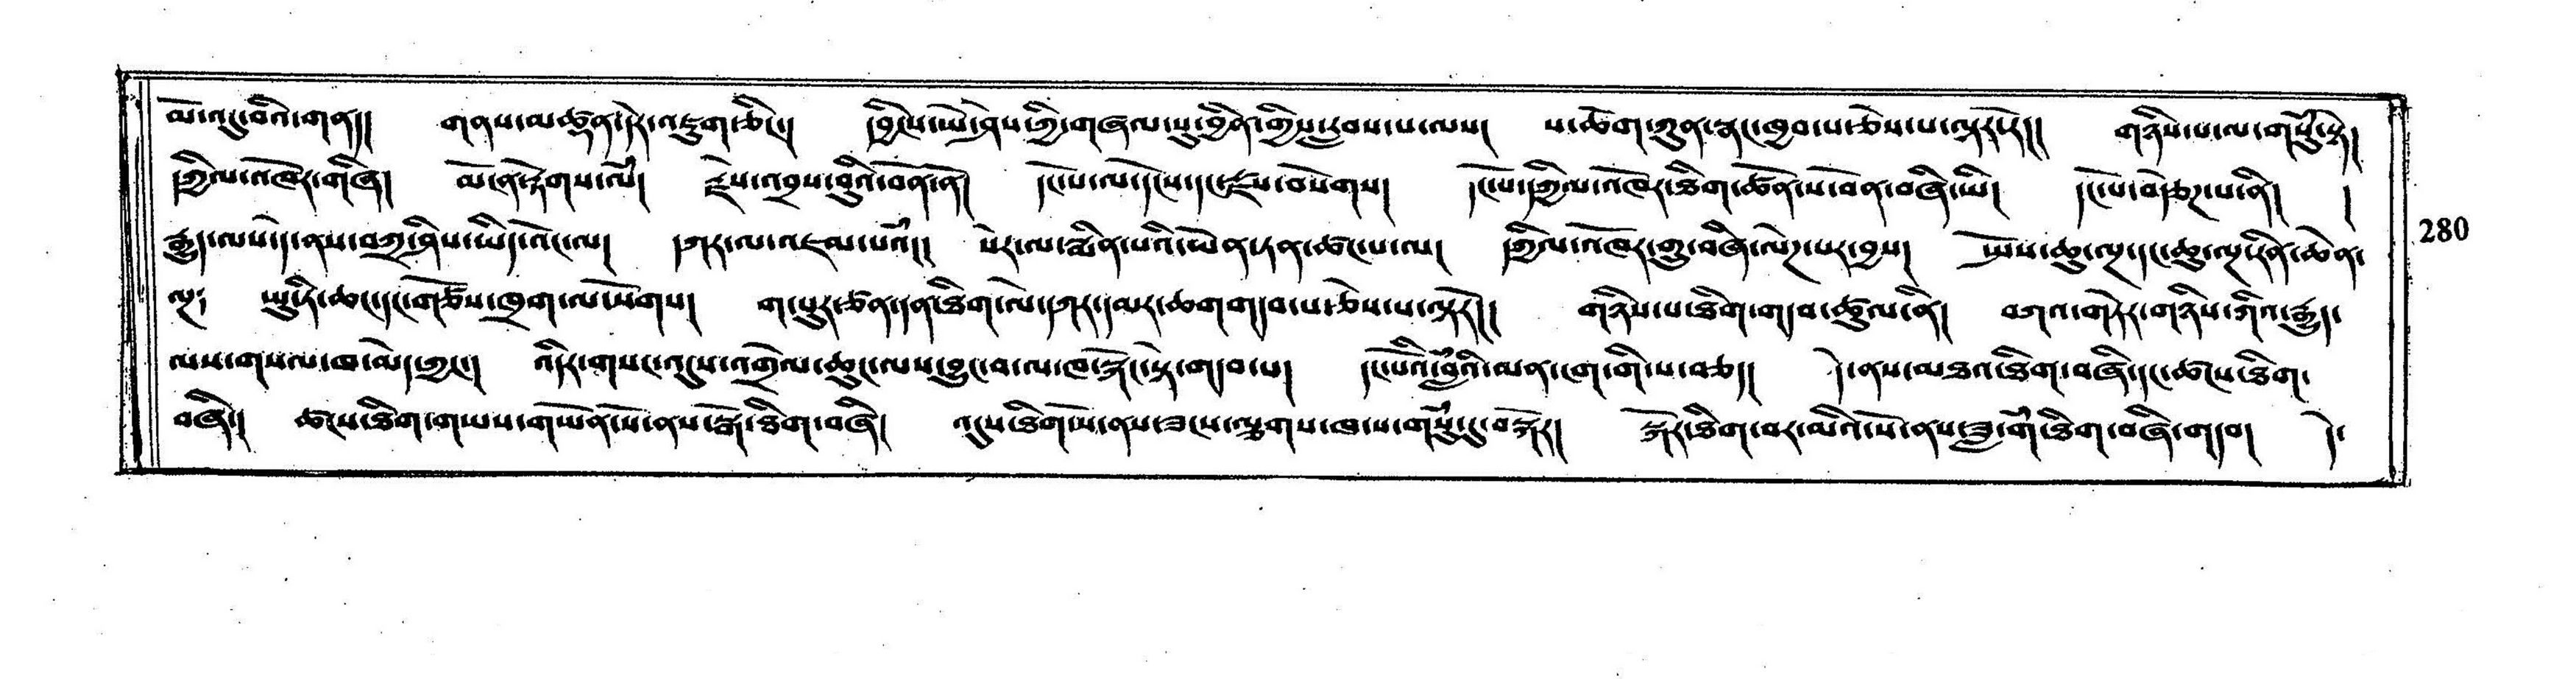མོ་འདུ་བའི་གནད། གནས་མཚན་ལྡན་དེར་འཇུག་ཅིང་། དབྱིངས་ཡེ་ཤེས་ཀྱི་གཞལ་སུ་བྱིན་གྱིས་རླབས་པ་ལས། ས་ཆོག་ཀུན་སྣང་ཁྱབ་པ་ཅེས་པ་ལྟར་རོ།། གཉིས་པ་ལ་གསུམ་སྟེ། 
དཀྱིལ་འཁོར་གཞི། མངོན་རྟོགས་ལམ། རྗེས་འབྲས་བུའི་བོན་ནོ། དང་པོ་ལ་དངོས་དང་རྫས་བསོགས། དང་པོ་དཀྱིལ་འཁོར་ཐིག་ཚོན་ས་བོན་བཞི་ཡི། དང་པོ་བརྩེགས་པ་ནི། 
རྒྱུད་ལས་དེ་ནས་བཀྲ་ཤིས་ཡིད་འོང་ལ། དཀར་ལ་འཇམ་པའམ།། སེར་ལ་སྨིན་པའི་ཡོན་ཏན་ཚང་བ་ལ། དཀྱིལ་འཁོར་གྲུ་བཞི་ལེགས་པར་བྱས། སྤོས་ཆུ་ལྔ་དང་ཆུ་ལྔ་རིན་ཆེན་
ལྔ། ཡུ་ཏི་ཆང་དང་གཙོས་ཁྲག་ལ་སོགས། ག་པུར་ཙན་དན་ཐིག་ལེ་དཀར་དམར་ཆག་གདབ་པ་ཅེས་པ་ལྟར་རོ།། གཉིས་པ་ཐིག་གདབ་ཚུལ་ནི། བཀའ་གཏེར་གཉིས་ཀའི་རྒྱུད་
ལས་གསལ་ཁ་མེད་ཀྱང་། འདིར་གསང་འདུས་འགྲོལ་ཆུགས་ལས་བྱུང་བ་ལ་ཁ་སྐོར་སྟེ་གདབ་པ། དང་པོའི་བློ་མའི་མན་ངག་གི་ས་བཅད། དེ་ནས་མཐའ་ཐིག་བཞི་དང་ཚངས་ཏིག་
བཞི། ཚངས་ཐིག་གཡས་གཡོན་སོ་ནས་སྒོ་ཐིག་བཞི། འདུས་ཐིག་སོ་ནས་ཟངས་ལྕགས་ཁ་ས་གསུམ་དུ་བསྐོར། སྐོར་ཐིག་བར་མའི་སོ་ནས་ཟླ་གམ་ཐིག་བཞི་གདབ། དེ་